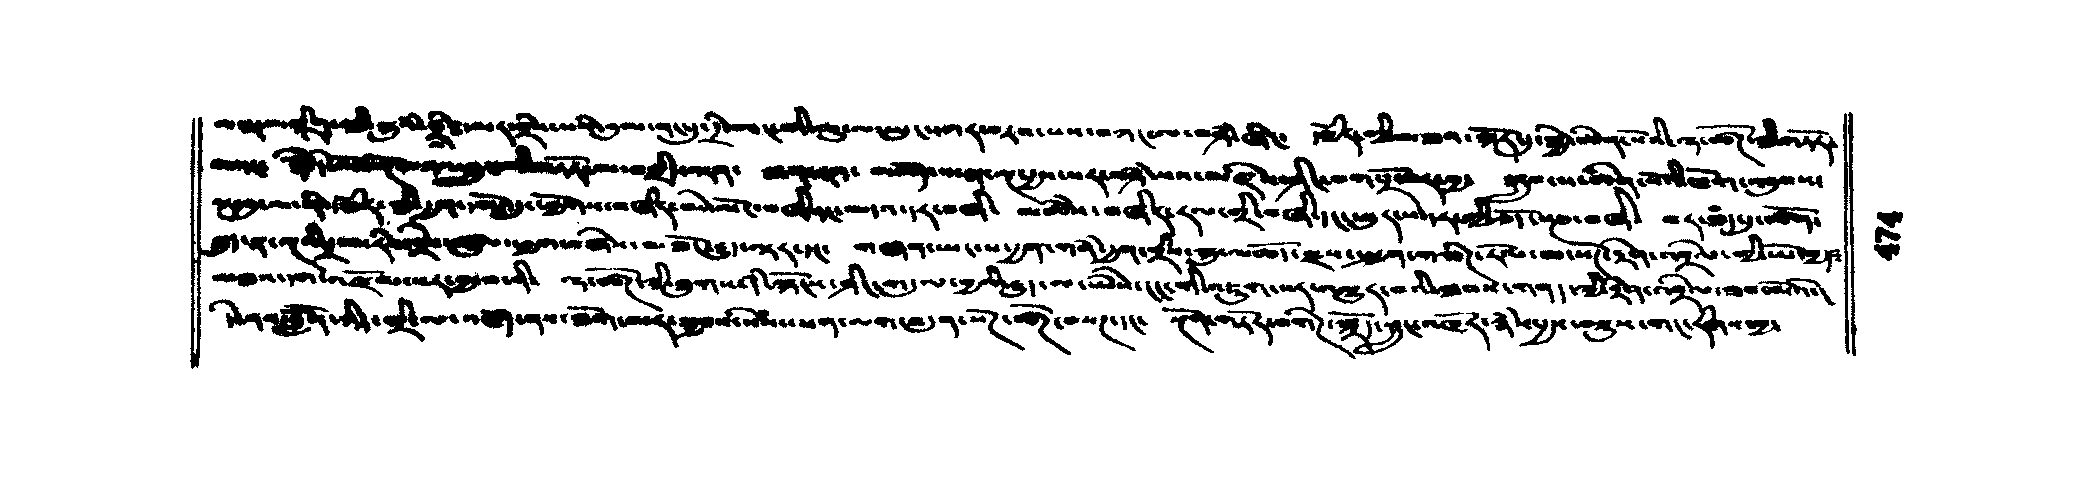དཔལ་རྒ་མགྲིན་གྱི་སྐུའམ་ཧྲཱིཿདམར་བྲིས་པའི་བུམ་ནང་དུ་དྲི་བཟང་གི་ཆུ་ལ་ཡུངས་དཀར་བཏབ་པས་བཀང་ལ་བཤམས་ཞིང་།དཀྱིལ་འཁོར་གྱི་མཐའ་སྐོར་དུ་ཐུགས་རྗེ་ཆེན་པོའི་ལྷ་ཚོགས་གྱི་གཏོར་
མ་དང་། །རྡོ་རྗེ་དེ་མོ་སོགས་བཀའ་སྲུང་གི་སྨན་རག མཆོད་པ་སྣ་ལྔ་རྒྱས་པར་བཤམ་པས་མཛེས་ཤིང་བག་དྲོ་བར་བྱ། སྒྲུབ་པ་ཆེན་པོའི་ཁོག་འབུབས་
ལྟ་བུ་ལ་ནི་དཀྱིལ་འཁོར་གྱི་རྒྱན་གོང་དུ་ཕྱོགས་བཞིར་མེ་ལོང་བཞི་དང་མདའ་དར་བཞི། མཚམས་བཞིར་རལ་གྲི་བཞི་དང་ཕུར་པ་དར་གྱི་ཅོད་པཎ་བཞི། བར་ཐམས་ཅད་དུ་ཚོན་
སྐུད་སྣ་ལྔའི་དྲྭ་བ་རིམ་བྲེལ་ཚུལ་ཕྱག་བཞེས་མཐོང་རྒྱུད་ལྟར་དང་། གཞན་ཡང་ས་རྒྱན་གནམ་རྒྱན་བྲིས་སྐུ་མཆོད་རྫས་སྤྱན་གཟིགས་རོལ་ཆ་སོགས་རྟེན་འབྲེལ་གྱི་ཡོ་བྱད་
མཐའ་དག་འཛོམས་པར་བྱ་བ་ནི། ལྷ་ཚོགས་ཀྱི་ཐུགས་དམ་སྐོངས་ཤིང་གདུལ་བྱའི་རྒྱུད་ལ་ཡེ་ཤེས་ངང་གི་འཇུག་པར་འགྱུར་བའི་ཐབས་གནད་ཀྱི་རྟེན་འབྲེལ་ཟབ་མོའོ། 
དེ་ནས་སློབ་དཔོན་ཉིད་ཁྲི་ལ་འཁོད་ནས་ཐོག་མར་སྐྱབས་སེམས་ཡན་ལག་བདུན་སོགས་ཚོགས་བསགས་དང་། སྔོན་གཏོར་བགེགས་བསྐྲད་སྲུང་འཁོར་རྣམས་རྒྱས་བསྡུས་གང་རིགས་བྱ།